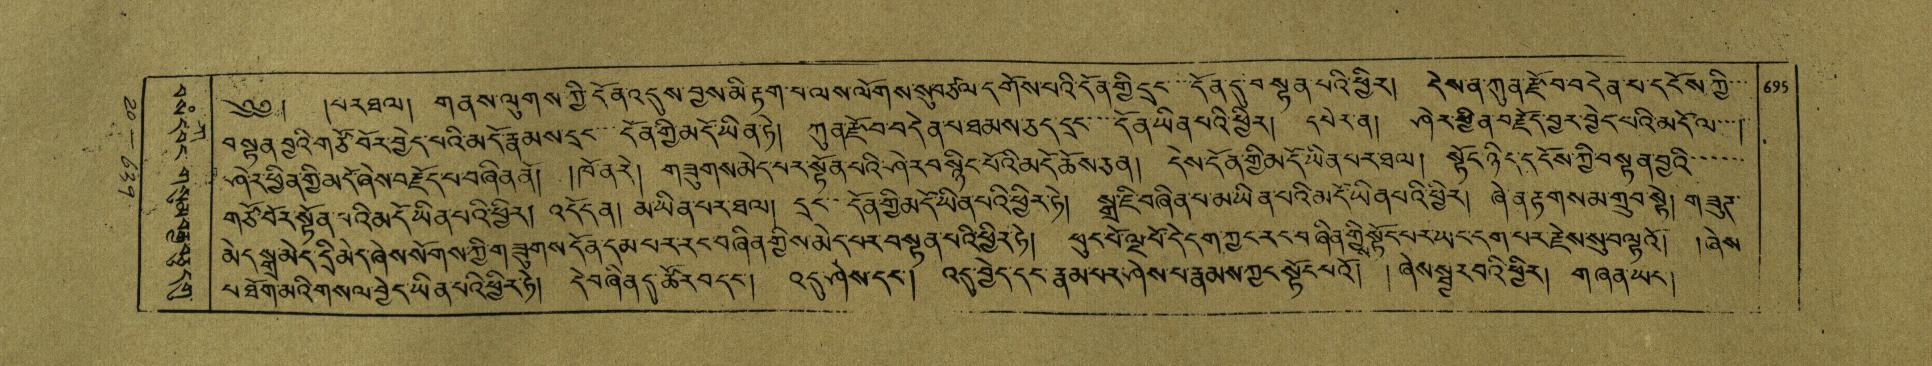༄༅། །པར་ཐལ། གནས་ལུགས་ཀྱི་དོན་འདུས་བྱས་མི་རྟག་པ་ལས་ལོགས་སུ་བཙལ་དགོས་པའི་དོན་གྱི་དྲང་དོན་གྱི་དྲང་དོན་དུ་བསྟན་པའི་ཕྱིར། དེས་ན་ཀུན་རྫོབ་བདེན་པ་དངོས་ཀྱི་
བསྟན་བྱའི་གཙོ་བོར་བྱེད་པའི་མདོ་རྣམས་དྲང་དོན་གྱི་མདོ་ཡིན་ཏེ། ཀུན་རྫོབ་བདེན་པ་ཐམས་ཅད་དྲང་དོན་ཡིན་པའི་ཕྱིར། དཔེར་ན། ཤེར་ཕྱིན་བརྗོད་བྱར་བྱེད་པའི་མདོ་ལ།
ཤེར་ཕྱིན་གྱི་མདོ་ཞེས་བརྗོད་པ་བཞིན་ནོ། །ཁོ་ན་རེ། གཟུགས་མེད་པར་སྟོན་པའི་ཤེ་རབ་སྙིང་པོའི་མདོ་ཆོས་ཅན། དེས་དོན་གྱི་མདོ་ཡིན་པར་ཐལ། སྟོང་ཉིད་དངོས་ཀྱི་བསྟན་བྱའི་
གཙོ་བོར་སྟོན་པའི་མདོ་ཡིན་པའི་ཕྱིར། འདོད་ན། མ་ཡིན་པར་ཐལ། དྲང་དོན་གྱི་མདོ་ཡིན་པའི་ཕྱིར་ཏེ། སྒྲ་ཇི་བཞིན་པ་མ་ཡིན་པའི་མདོ་ཡིན་པའི་ཕྱིར། ཞེ་ན་རྟགས་མ་གྲུབ་སྟེ། གཟུཊ་
མེད་སྒྲ་མེད་དྲི་མེད་ཞེས་སོགས་ཀྱི་གཟུགས་དོན་དམ་པར་རང་བཞིན་གྱིས་མེད་པར་བསྟན་པའི་ཕྱིར་ཏེ། ཕུང་པོ་ལྔ་པོ་དེ་དག་ཀྱང་རང་བཞིན་གྱིས་སྟོང་པར་ཡང་དག་པར་རྗེས་སུ་བལྟའོ། །ཞེས་
པ་ཐོག་མའི་གསལ་བྱེད་ཡིན་པའི་ཕྱིར་ཏེ། དེ་བཞིན་དུ་ཚོར་བ་དང་། འདུ་ཤེས་དང་། འདུ་བྱེད་དང་རྣམ་པར་ཤེས་པ་རྣམས་ཀྱང་སྟོང་པའོ། །ཞེས་སྦྱར་བའི་ཕྱིར། གཞན་ཡང་།